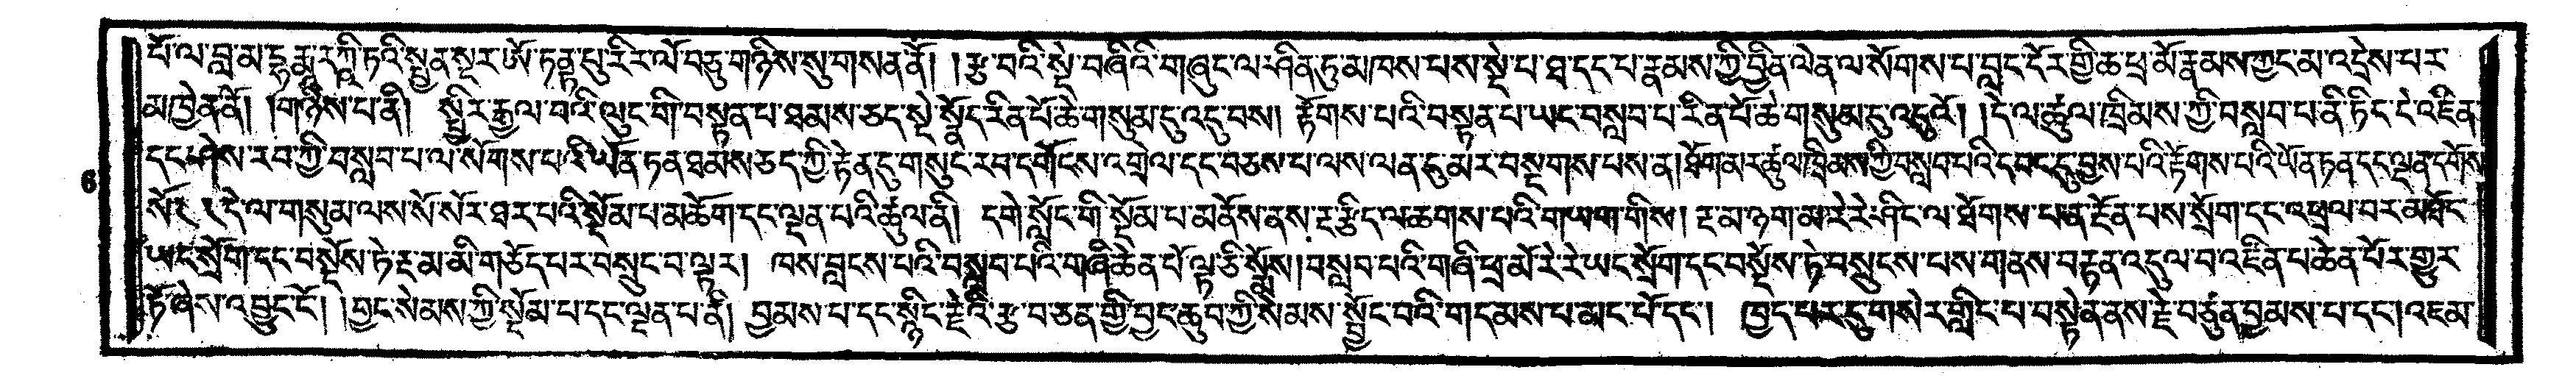པོ་ལ་བླ་མ་དྷརྨཱ་རཀྵི་ཏའི་སྤྱན་སྔར་ཨོ་ཏནྟ་པུ་རིར་ལོ་བཅུ་གཉིས་སུ་གསན་ནོ། །རྩ་བའི་སྡེ་བཞིའི་གཞུང་ལ་ཤིན་ཏུ་མཁས་པས་སྡེ་པ་ཐ་དད་པ་རྣམས་ཀྱི་བྱིན་ལེན་ལ་སོགས་པ་བླང་དོར་གྱི་ཆ་ཕྲ་མོ་རྣམས་ཀྱང་མ་འདྲེས་པར་
མཁྱེན་ནོ། །གཉིས་པ་ནི། སྤྱིར་རྒྱལ་བའི་ལུང་གི་བསྟན་པ་ཐམས་ཅད་སྡེ་སྣོད་རིན་པོ་ཆེ་གསུམ་དུ་འདུ་བས། རྟོགས་པའི་བསྟན་པ་ཡང་བསླབ་པ་རིན་པོ་ཆེ་གསུམ་དུ་འདུའོ། །དེ་ལ་ཚུལ་ཁྲིམས་ཀྱི་བསླབ་པ་ནི་ཏིང་ངེ་འཛིན་
དང་ཤེས་རབ་ཀྱི་བསླབ་པ་ལ་སོགས་པའི་ཡོན་ཏན་ཐམས་ཅད་ཀྱི་རྟེན་དུ་གསུང་རབ་དགོངས་འགྲེལ་དང་བཅས་པ་ལས་ལན་དུ་མར་བསྔགས་པས་ན། ཐོག་མར་ཚུལ་ཁྲིམས་ཀྱི་བསླབ་པའི་དབང་དུ་བྱས་པའི་རྟོགས་པའི་ཡོན་ཏན་དང་ལྡན་དགོས་
སོ༑ ༑དེ་ལ་གསུམ་ལས་སོ་སོར་ཐར་པའི་སྡོམ་པ་མཆོག་དང་ལྡན་པའི་ཚུལ་ནི། དགེ་སློང་གི་སྡོམ་པ་མནོས་ནས་རྔ་རྩིད་ལ་ཆགས་པའི་གཡག་གིས། རྔ་མ་ཉག་མ་རེ་རེ་ཤིང་ལ་ཐོགས་པ་ན་རྔོན་པས་སྲོག་དང་འཕྲལ་བར་མཐོང་
ཡང་སྲོག་དང་བསྡོས་ཏེ་རྔ་མ་མི་གཅོད་པར་བསྲུང་བ་ལྟར། ཁས་བླངས་པའི་བསླབ་པའི་གཞི་ཆེན་པོ་ལྟ་ཅི་སྨོས། བསླབ་པའི་གཞི་ཕྲ་མོ་རེ་རེ་ཡང་སྲོག་དང་བསྡོས་ཏེ་བསྲུངས་པས་གནས་བརྟན་འདུལ་བ་འཛིན་པ་ཆེན་པོར་གྱུར་
ཏོ་ཞེས་འབྱུང་ངོ། །བྱང་སེམས་ཀྱི་སྡོམ་པ་དང་ལྡན་པ་ནི། བྱམས་པ་དང་སྙིང་རྗེའི་རྩ་བ་ཅན་གྱི་བྱང་ཆུབ་ཀྱི་སེམས་སྦྱོང་བའི་གདམས་པ་མང་པོ་དང་། ཁྱད་པར་དུ་གསེར་གླིང་པ་བསྟེན་ནས་རྗེ་བཙུན་བྱམས་པ་དང་། འཇམ་